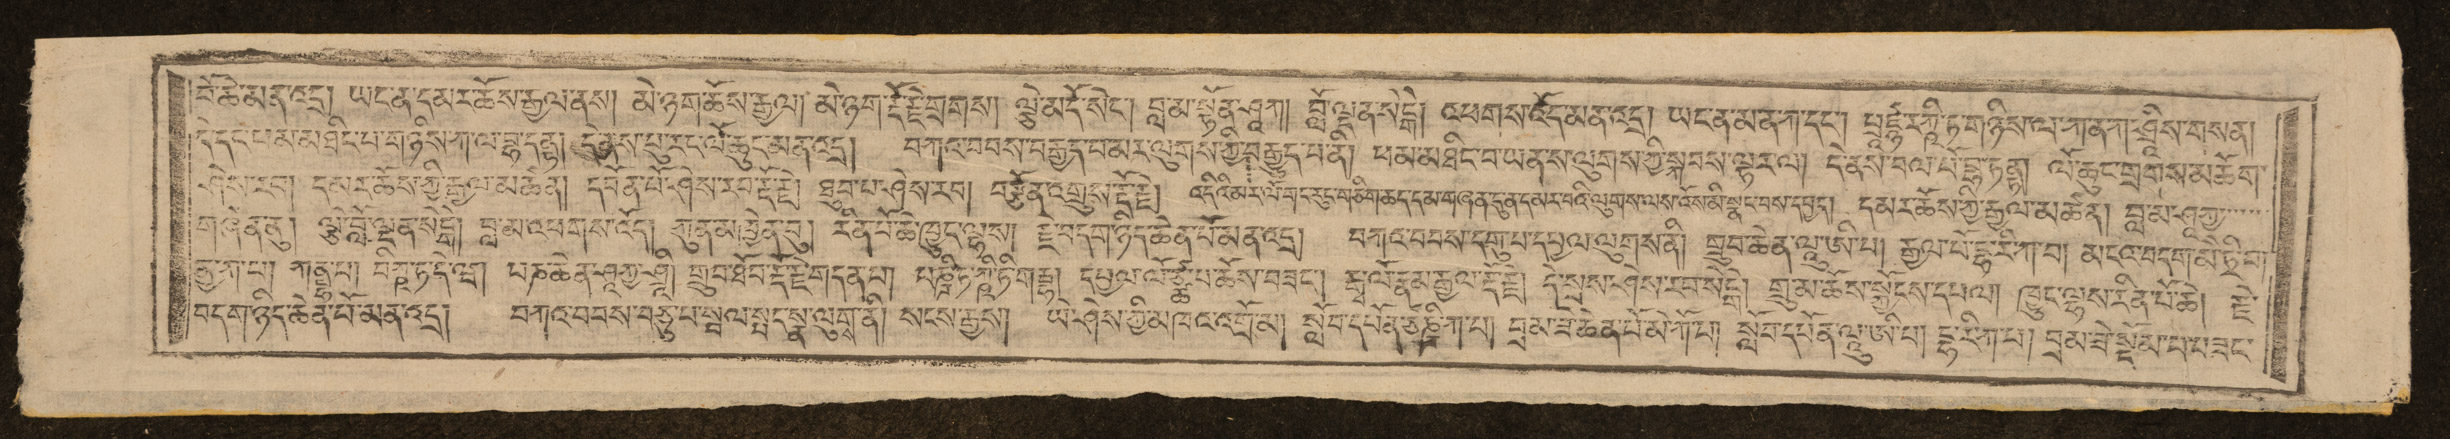བོ་ཆེ་མན་འདྲ། ཡང་ན་དམར་ཆོས་རྒྱལ་ནས། མེ་ཉག་ཆོས་རྒྱལ། མེ་ཉག་རྡོ་རྗེ་གྲགས། ལྕེ་མདོ་སེང་། བླ་མ་སྟོན་ཤཱཀ། བློ་ལྡན་སེངྒེ། འཕགས་འོད་མན་འདྲ། ཡང་ན་མན་ཀ་དང་། པྲའཛྙ་རཀྵི་ཏ་གཉིས་ལ་ཀ་ན་ཀ་ཤྲཱིས་གསན།
དེ་དང་ཕམ་མཐིང་པ་གཉིས་ཀ་ལ་བྷ་དནྟ། དེ་ནས་པུ་རང་ལོ་ཆུང་མན་འདྲ། བཀའ་བབས་བརྒྱད་པ་མར་ལུགས་ཀྱི་བརྒྱུད་པ་ནི། ཕམ་མཐིང་བ་ཡན་ས་ལུགས་ཀྱི་སྐབས་ལྟར་ལ། དེ་ནས་བལ་བོ་བྷ་ཏནྟ། ལོ་ཆུང་གྲགས་མཆོག་
ཤེས་རབ། དམར་ཆོས་ཀྱི་རྒྱལ་མཚན། དབོན་པོ་ཤེས་རབ་རྡོ་རྗེ། ཐུབ་པ་ཤེས་རབ། བརྩོན་འགྲུས་རྡོ་རྗེ། འདིའི་མར་ལོ་གང་རུང་གཅིག་ཆད་དམ་གཞན་དུན་དམར་བའི་ལུགས་ལས་འོས་མི་སྣང་བས་དབྱད། དམར་ཆོས་ཀྱི་རྒྱལ་མཚན། བླ་མ་ཤཱཀྱ་
གཞོན་ནུ། ལྕེ་བློ་ལྡན་སེངྒེ། བླ་མ་འཕགས་འོད། ཀུན་མཁྱེན་བུ། རིན་པོ་ཆེ་ཁྱུད་ལྷས། རྗེ་བདག་ཉིད་ཆེན་པོ་མན་འདྲ། བཀའ་བབས་དགུ་པ་དཔྱལ་ལུགས་ནི། གྲུབ་ཆེན་ལཱུ་ཨི་པ། རྒྱལ་པོ་དྷ་རི་ཀ་པ། མངའ་བདག་མཻ་ཏྲི་བ།
ནྱ་ཀ་པ། ཀནྡྷ་པ། བིཀྵ་ཏ་དེ་ཝ། པཎ་ཆེན་ཤཱཀྱ་ཤྲཱི། གྲུབ་ཐོབ་རྡོ་རྗེ་གདན་པ། པཎྜི་ཏཀྵི་ཏི་གརྦྷ། དཔྱལ་ལོ་ཙྪ་པ་ཆོས་བཟང་། རྒྭ་ལོ་རྣམ་རྒྱལ་རྡོ་རྗེ། དེ་སྲས་ཤེས་རབ་སེངྒེ། གྲུ་མ་ཆོས་སྐྱོངས་དཔལ། ཁྱུང་ལྷས་རིན་པོ་ཆེ། རྗེ་
བདག་ཉིད་ཆེན་པོ་མན་འདྲ། བཀའ་བབས་བཅུ་པ་སྦལ་སྦད་སྣ་ལུགས་ནི། སངས་རྒྱས། ཡེ་ཤེས་ཀྱི་མཁའ་འགྲོ་མ། སློབ་དཔོན་ཙཎྜི་ཀ་པ། བྲམ་ཟེ་ཆེན་པོ་མེ་ཀོ་པ། སློབ་དཔོན་ལཱུ་ཨི་པ། དྷ་རི་ཀ་པ། བྲམ་ཟེ་སྡོམ་པ་བཟང་